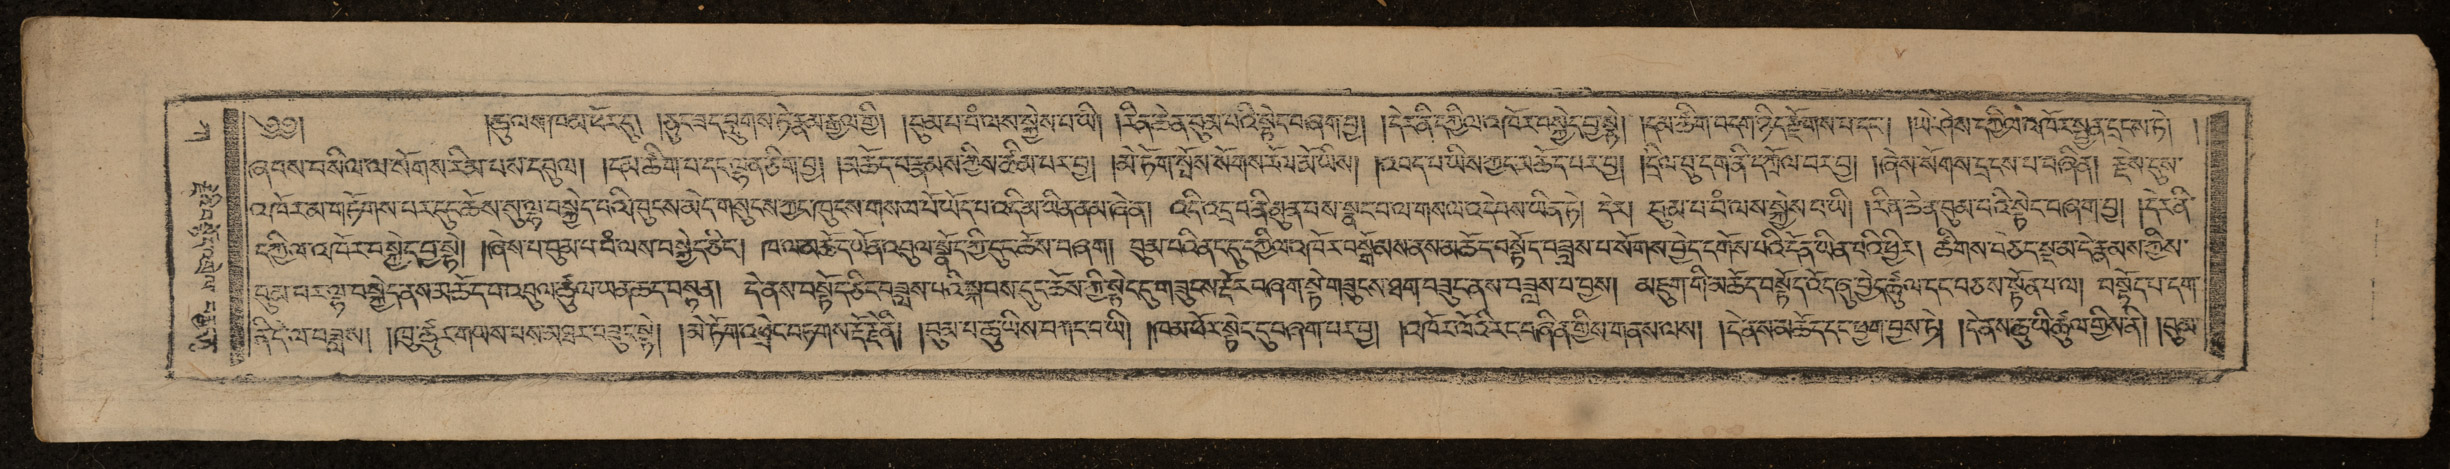༄༅། །ཆུ་ལས་ཁམ་ཕོར་དུ། །ཅུང་ཟད་བླུགས་ཏེ་རྣམ་རྒྱལ་གྱི། །བུམ་བ་བཾ་ལས་སྐྱེས་པ་ཡི། །རིན་ཆེན་བུམ་པའི་སྟེང་བཞག་བྱ། །དེར་ནི་དཀྱིལ་འཁོར་བསྐྱེད་བྱ་སྟེ། །དམ་ཚིག་བདག་ཉིད་རྫོགས་པ་དང་། །ཡེ་ཤེས་དཀྱིལ་འཁོར་སྤྱན་དྲངས་ཏེ། །
ཞབས་བསིལ་ལ་སོགས་རིམ་པས་དབུལ། །དམ་ཚིག་པ་དང་ལྷན་ཅིག་བྱ། །མཆོད་པ་རྣམས་ཀྱིས་ཚིམ་པར་བྱ། །མེ་ཏོག་སྦོས་སོགས་རོལ་མོ་ཡིས། །འབད་པ་ཡིས་ཀྱང་མཆོད་པར་བྱ། །དྲིལ་བུ་དག་ནི་དཀྲོལ་བར་བྱ། །ཞེས་སོགས་དྲངས་པ་བཞིན། རྗེས་དུས་
འཁོར་མ་གཏོགས་པར་དུང་ཆོས་སུ་ལྷ་བསྐྱེད་པའི་ཁུངས་མེད་གསུངས་ཀྱང་ཁུངས་གསལ་པོ་ཡོད་པ་འདི་མ་ཡིན་ནམ་ཞེ་ན། འདི་འདྲ་པ་ནི་མུན་པས་སྣང་བ་ལ་གསལ་འདེབས་ཡིན་ཏེ། དེར། བུམ་པ་བཾ་ལས་སྐྱེས་པ་ཡི། །རིན་ཆེན་བུམ་པའི་སྟེར་བཞག་བྱ། །དེར་ནི་
དཀྱིལ་འཁོར་བསྐྱེད་བྱ་སྟེ། །ཞེས་པ་བུམ་པ་བཾ་ལས་བསྐྱེད་ཅིང་། ཁ་ལ་མཆོད་ཡོན་འབུལ་སྣོད་ཀྱི་དུང་ཆོས་བཞག། བུམ་པའི་ནང་དུ་དཀྱིལ་འཁོར་བསྒོམས་ནས་མཆོད་བསྟོད་བཟླས་པ་སོགས་བྱེད་དགོས་པའི་དོན་ཡིན་པའི་ཕྱིར། ཚིགས་བཅད་སྔ་མ་དེ་རྣམས་ཀྱིས་
བུམ་པར་ལྷ་བསྐྱེད་ནས་མཆོད་པ་འབུལ་ཚུལ་ཡན་ཆད་བསྟན། དེ་ནས་བསྟོད་ཅིང་བཟླས་བའི་སྐབས་དུང་ཆོས་ཀྱི་སྟེང་དུ་གཟུངས་རྡོར་བཞག་སྟེ་གཟུངས་ཐག་བཟུང་ནས་བཟླས་བ་བྱས། མཇུག་གི་མཆོད་བསྟོད་འོད་ཞུ་བྱེད་ཚུལ་དང་བཅས་སྟོན་པ་ལ། བསྟོད་པ་དག་
ནི་དེ་ལ་བཟླས། །ཁུ་ཚུར་གཡས་པས་མཐར་བཟུང་སྟེ། །མེ་ཏོག་འཕྲེང་བཏགས་རྡོ་རྗེ་ནི། །བུམ་པ་ཆུ་ཡིས་བཀང་པ་ཡི། །ཁམ་ཕོར་སྟེང་དུ་བཞག་པར་བྱ། །འཁོར་ལོའི་རྩར་བཞིན་གྱིས་གནས་ལས། །དེ་ནས་མཆོད་དང་ཕྱག་བྱས་ཏེ། །དེ་ནས་ཆུ་ཡི་ཚུལ་གྱིས་ནི། །བུམ་